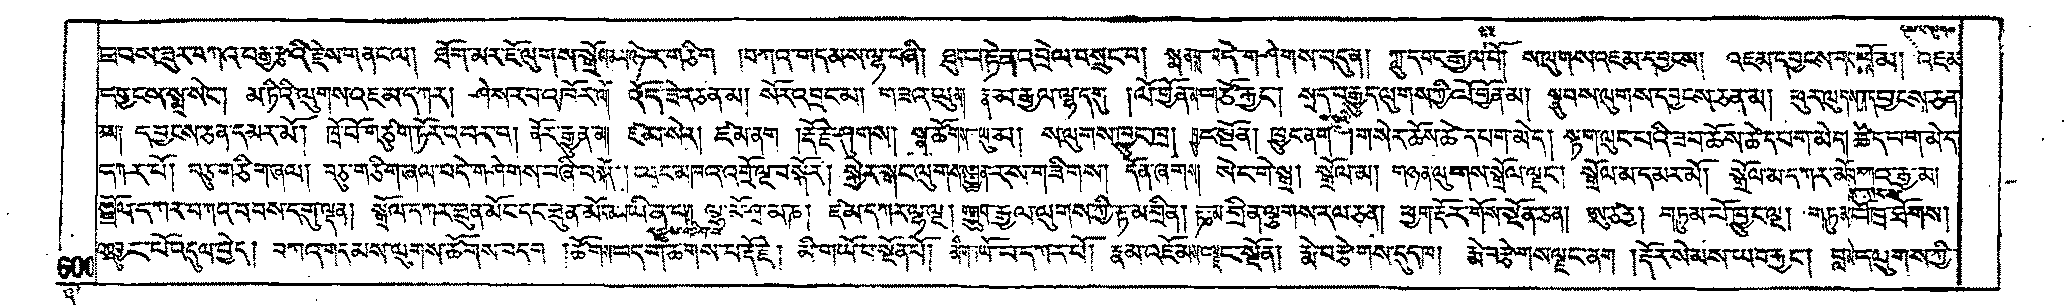ཐབས་ཟུར་བཀའ་བརྒྱ་རྩའི་རྗེས་གནང་ལ། ཐོག་མར་ཇོ་ལུགས་སྒྲོལ་མ་ཉེར་གཅིག །བཀའ་གདམས་ལྷ་བཞི། ཐུབ་པ་རྟེན་འབྲེལ་བསྲུང་བ། སྨན་བླ་བདེ་གཤེགས་བདུན། ཀླུ་དབང་རྒྱལ་པོ། ས་ལུགས་འཇམ་དབྱངས། འཇམ་དབྱངས་གང་བློ་མ། དམ་པ་ལུགས་འཇམ་
དབྱངས་སྨྲ་སེང་། མ་ཏིའི་ལུགས་འཇམ་དཀར། ཤེས་རབ་འཁོར་ལོ། འོད་ཟེར་ཅན་མ། སོར་འབྲང་མ། གཟའ་ཡུམ། རྣམ་རྒྱལ་ལྷ་དགུ །ལོ་གྱོན་མ་གཙོ་རྐྱང་། སྲད་བརྒྱུད་ལུགས་ཀྱི་ལོ་གྱོན་མ། སྣུབས་ལུགས་དབྱངས་ཅན་མ། ཕུར་ལུགས་དབྱངས་ཅན་
མ༑ དབྱངས་ཅན་དམར་མོ། ཁྲོ་བོ་གཙུག་ཏོར་འབར་བ། ནོར་རྒྱུན་མ། ཛམ་སེར། ཛམ་ནག །རྡོ་རྗེ་ཤུགས། སྣ་ཚོགས་ཡུམ། ས་ལུགས་ཁྱུང་ཁྲ། ཁྱུང་སྔོན། ཁྱུང་ནག་ས་སྐྱའི་།གསེར་ཆོས་ཚེ་དཔག་མེད། སྟག་ལུང་པའི་ཟབ་ཆོས་ཚེ་དཔག་མེད། ཚེ་དཔག་མེད་
དཀར་པོ། བཅུ་གཅིག་ཞལ། བཅུ་གཅིག་ཞལ་བདེ་གཤེགས་བཞི་བསྐོར། ཡང་མཁའ་འགྲོ་ལྔ་བསྐོར། སྐྱེར་སྒང་ལུགས་སྤྱན་རས་གཟིགས། དོན་ཞགས། སེང་གེ་སྒྲ། སྒྲོལ་མ། གཉན་ལུགས་སྒྲོལ་ལྗང་། སྒྲོལ་མ་དམར་མོ། སྒྲོལ་མ་དཀར་མོ་སྲུང་དཀར་མ་བཀའ་རྒྱ་མ།
སྒྲོལ་དཀར་བཀའ་བབས་དགུ་ལྡན། སྒྲོལ་དཀར་ཐུན་མོང་དང་ཐུན་མོང་མ་ཡིན་པ་དཀྱུས་གཅིག་བ།  ལྷ་མོ་ཤྲ་མ་ཎ། ཛམ་དཀར་ལྷ་ལྔ། གྲུབ་རྒྱལ་ལུགས་ཀྱི་རྟ་མགྲིན། རྟ་མགྲིན་ལྕགས་རལ་ཅན། ཕྱག་རྡོར་གསོ་སྔོན་ཅན། ཨུ་ཙརྱ། གཏུམ་པོ་ཁྱུང་ལྔ། གཏུམ་པོ་ཁྲ་ཐོགས།
འབྱུང་པོ་འདུལ་བྱེད། བཀའ་གདམས་ལུགས་ཚོགས་བདག །ཚོགས་བདག་ཆགས་པ་རྡོ་རྗེ། མི་གཡོ་བ་སྔོན་པོ། མི་གཡོ་བ་དཀར་པོ། རྣམ་འཇོམས་ལྗང་སྔོན། རྨེ་བརྩེགས་དུད་ཁ། རྨེ་བརྩེགས་ལྗང་ནག །རྡོར་སེམས་ཡབ་རྐྱང་། བླ་མེད་ལུགས་ཀྱི་